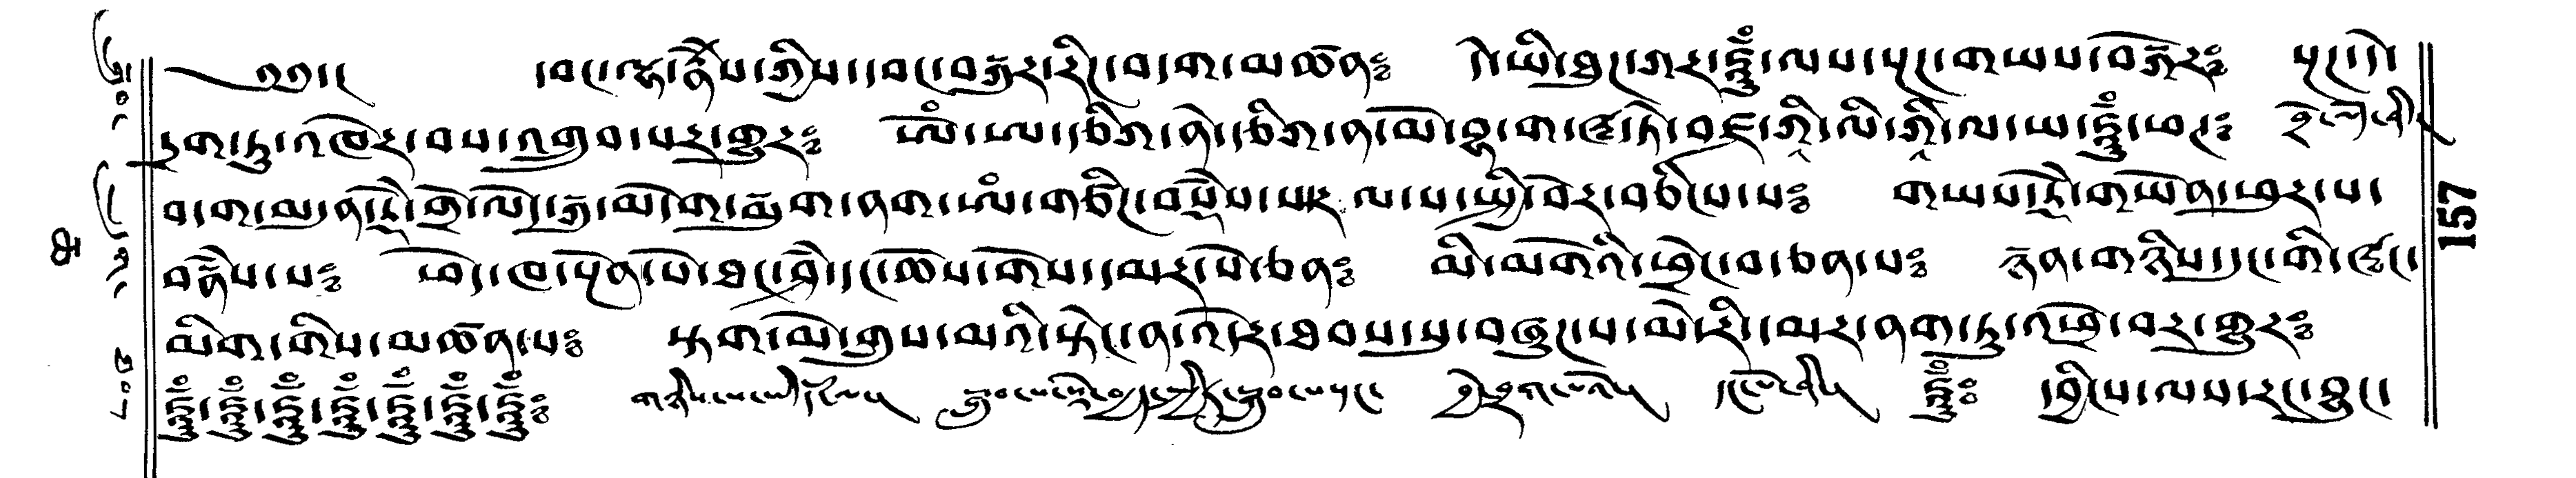དབང་ལྷ་རྣམས་ཀྱིས་དབང་བསྐུར་རིགས་བདག་མཚན༔ དེ་ཡི་ཐུགས་ཀར་ཧཱུྃ་ལས་སྔགས་གཡས་བསྐོར༔ སྔགས་དེ་
དྲག་ཏུ་འཁོར་བས་འགྲུབ་པར་གྱུར༔ ཨོཾ་ཨ་རྩིཀ་ནེ་རྩིཀ་ན་མོ་བྷ་ག་ཝ་ཏེ་བཛྲ་ཀཱི་ལི་ཀཱི་ལ་ཡ་ཧཱུྃ་ཕཊ༔ གྲོ་ལོད་ནི། 
བདག་མདུན་རྡོ་རྗེ་གྲོ་ལོད་སྐུ་མདོག་སྨུག་ནག་ཨཾ་གཙིགས་བསྡམས་པ་རལ་པ་སྤྱི་བོར་བཅིངས་པ༔ གཡས་རྡོ་རྗེ་གཡོན་ཕུར་པ་
བསྣམས་པ༔ ཕོད་ཁ་སྔོན་པོ་ཐང་ཤམ་དང་ཆོས་གོས་དམར་པོ་ཅན༔ མི་མགོའི་ཕྲེང་བ་ས་བརྒྱན་པ༔ སྙན་གཉིས་དུང་གི་ཝང་
མིག་གིས་མཚན་པ༔ སྟག་མོ་གྲུས་མའི་སྟེང་ན་དོར་སྟབས་སུ་བཞུགས་པ་མེ་རི་དམར་ནག་ཏུ་འཕྲོ་བར་གྱུར༔ 
ཧཱུྃ་ཧཱུྃ་ཧཱུྃ་ཧཱུྃ་ཧཱུྃ་ཧཱུྃ་ཧཱུྃ༔ གཉིས་པ་ཡི་དམ་ལ། སྒྲུབ་པ་སྡེ་བརྒྱད་སྤྱིར་སྒྲུབ་པ་དང་། བྱེ་བྲག་པའོ། དང་པོ་ནི། ཧཱུྃ༔ དབྱིངས་ལས་རང་བྱུང་